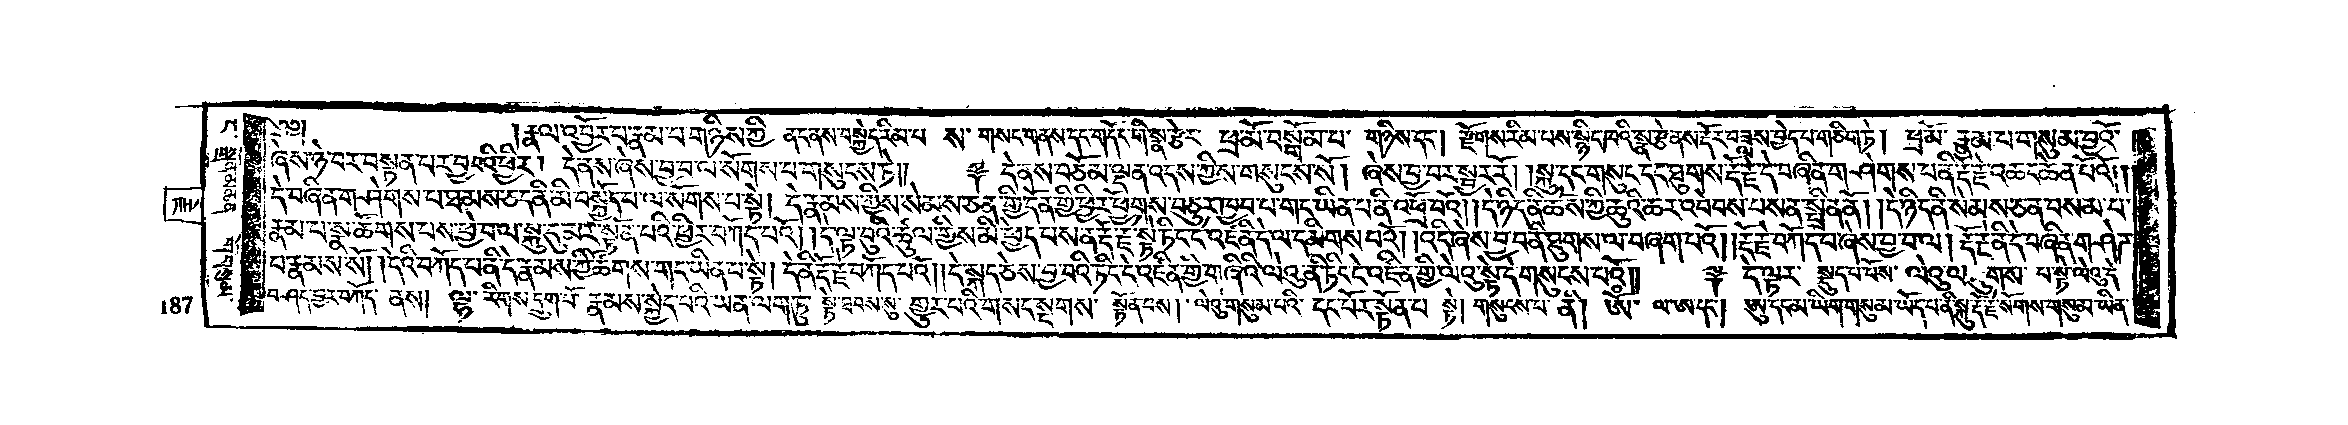༄༅། །རྣལ་འབྱོར་པ་རྣམ་པ་གཉིས་ཀྱི་ནང་ནས་བསྐྱེད་རིམ་པ་ས་གསང་གནས་དང་གདོང་གི་སྣ་རྩེར་ཕྲ་མོ་བསྒོམ་པ་གཉིས་དང་། རྫོགས་རིམ་པས་སྙིང་ཁའི་སྣ་རྩེ་ནས་རྡོར་བཟླས་བྱེད་པ་གཅིག་ཏེ། ཕྲ་མོ་རྣམ་པ་གསུམ་བྱའོ་
ཞེས་ཉེ་བར་བསྟན་པར་བྱ་བའི་ཕྱིར། དེ་ནས་ཞེས་བྱ་བ་ལ་སོགས་པ་གསུངས་ཏེ།། ༈ དེ་ནས་བཅོམ་ལྡན་འདས་ཀྱིས་གསུངས་སོ། ཞེས་བྱ་བར་སྦྱར་རོ། །སྐུ་དང་གསུང་དང་ཐུགས་རྡོ་རྗེ་དེ་བཞིན་གཤེགས་པ་ནི་རྡོ་རྗེ་འཆང་ཆེན་པོའོ། །
དེ་བཞིན་གཤེགས་པ་ཐམས་ཅད་ནི་མི་བསྐྱོད་པ་ལ་སོགས་པ་སྟེ། དེ་རྣམས་ཀྱིས་སེམས་ཅན་གྱི་དོན་གྱི་ཕྱིར་ཕྱོགས་བཅུར་ཁྱབ་པ་གང་ཡིན་པ་ནི་འཕྲོ་བའོ། །དེ་ཉིད་ནི་ཆོས་ཀྱི་ཆུའི་ཆར་འབེབས་པས་ན་སྤྲིན་ནོ། །དེ་ཉིད་ནི་སེམས་ཅན་བསམ་པ་
རྣམ་པ་སྣ་ཚོགས་པས་ཕྱེ་བ་ལ་སྐུ་དུ་མར་སྟོན་པའི་ཕྱིར་བཀོད་པའོ། །དེ་ལྟ་བུའི་ཚུལ་གྱིས་མི་ཕྱེད་པས་ན་རྡོ་རྗེ་སྟེ་ཏིང་ངེ་འཛིན་དེ་ལ་དམིགས་པའོ། །འདི་ཞེས་བྱ་བ་ནི་ཐུགས་ལ་བཞག་པའོ། །རྡོ་རྗེ་བཀོད་པ་ཞེས་བྱ་བ་ལ། རྡོ་རྗེ་ནི་དེ་བཞིན་གཤེགས་
པ་རྣམས་སོ། །དེའི་བཀོད་པ་ནི་དེ་རྣམས་ཀྱི་ཚོགས་གང་ཡིན་པ་སྟེ། དེ་ནི་རྡོ་རྗེ་བཀོད་པའོ། །དེ་སྐད་ཅེས་བྱ་བའི་ཏིང་ངེ་འཛིན་གྱི་གཞིའི་ལེའུ་ནི་ཏིང་ངེ་འཛིན་གྱི་ལེའུ་སྟེ་དེ་གསུངས་པའོ།། ༈ དེ་ལྟར་སྡུད་པ་པོས་ལེའུ་ལ་ཞུགས་པ་སྟེ་ལེའུ་དེ་
བཤད་བྱར་བཀོད་ནས། ལྷ་རིགས་དྲུག་པོ་རྣམས་སྐྱེད་པའི་ཡན་ལག་ཏུ་སྟེ་ཐབས་སུ་གྱུར་པའི་གསང་སྔགས་སྟོན་པས། ལེའུ་གསུམ་པའི་དང་པོར་སྟོན་པ་སྟེ། གསུངས་པ་ནི། ཨོཾ་ལ་ཨ་དང་། ཨུ་དང་མ་ཡིག་གསུམ་ཡོད་པ་ནི་སྐུ་རྡོ་རྗེ་སོགས་གསུམ་ཡིན་